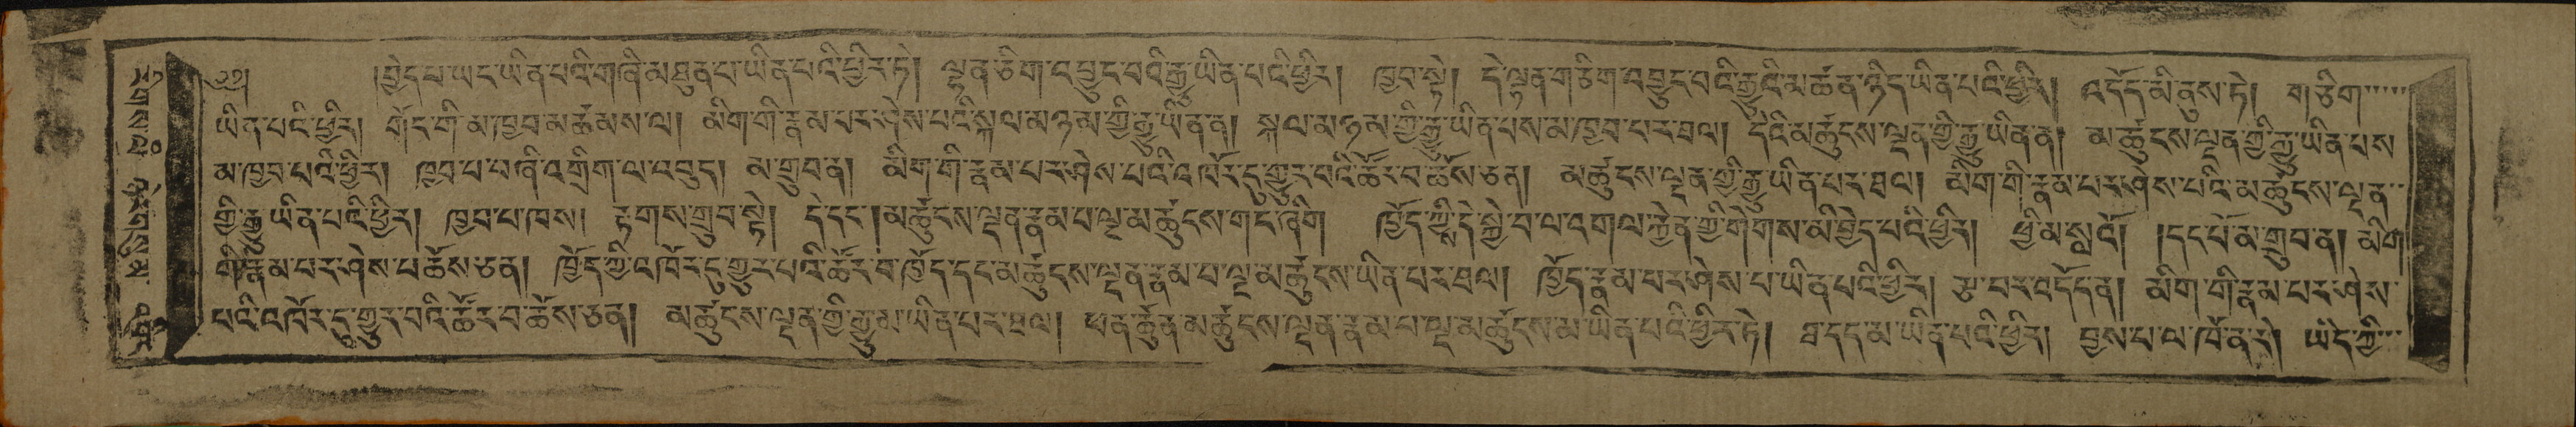༄༅། །བྱེད་པ་ཡང་ཡིན་པའི་གཞི་མཐུན་པ་ཡིན་པའི་ཕྱིར་ཏེ། ལྷན་ཅིག་འབྱུང་བའི་རྒྱུ་ཡིན་པའི་ཕྱིར། ཁྱབ་སྟེ། དེ་ལྷན་གཅིག་འབྱུང་བའི་རྒྱུའི་མཚན་ཉིད་ཡིན་པའི་ཕྱིར། འདོད་མི་ནུས་ཏེ། གཅིག་
ཡིན་པའི་ཕྱིར། གོང་གི་མ་ཁྱབ་མཚམས་ལ། མིག་གི་རྣམ་པར་ཤེས་པའི་སྐལ་མཉམ་གྱི་རྒྱུ་ཡིན་ན། སྐལ་མཉམ་གྱི་རྒྱུ་ཡིན་པས་མ་ཁྱབ་པར་ཐལ། དེའི་མཚུངས་ལྡན་གྱི་རྒྱུ་ཡིན་ན། མཚུངས་ལྡན་གྱི་རྒྱུ་ཡིན་པས་
མ་ཁྱབ་པའི་ཕྱིར། ཁྱབ་པ་བཞི་འགྲིག་ལ་འབུད། མ་གྲུབ་ན། མིག་གི་རྣམ་པར་ཤེས་པའི་འཁོར་དུ་གྱུར་པའི་ཚོར་བ་ཆོས་ཅན། མཚུངས་ལྡན་གྱི་རྒྱུ་ཡིན་པར་ཐལ། མིག་གི་རྣམ་པར་ཤེས་པའི་མཚུངས་ལྡན་
གྱི་རྒྱུ་ཡིན་པའི་ཕྱིར། ཁྱབ་པ་ཁས། རྟགས་གྲུབ་སྟེ། དེ་དང་མཚུངས་ལྡན་རྣམ་པ་ལྔ་མཚུངས་གང་ཞིག །ཁྱོད་ཀྱིས་དེ་སྐྱེ་བ་ལ་འགལ་རྐྱེན་གྱི་གེགས་མི་བྱེད་པའི་ཕྱིར། ཕྱི་མ་སླའོ། །དང་པོ་མ་གྲུབ་ན། མིག་
གི་རྣམ་པར་ཤེས་པ་ཆོས་ཅན། ཁྱོད་ཀྱི་འཁོར་དུ་གྱུར་པའི་ཚོར་བ་ཁྱོད་དང་མཚུངས་ལྡན་རྣམ་པ་ལྔ་མཚུངས་ཡིན་པར་ཐལ། ཁྱོད་རྣམ་པར་ཤེས་པ་ཡིན་པའི་ཕྱིར། རྩ་བར་འདོད་ན། མིག་གི་རྣམ་པར་ཤེས་
པའི་འཁོར་དུ་གྱུར་བའི་ཚོར་བ་ཆོས་ཅན། མཚུངས་ལྡན་གྱི་རྒྱུ་མ་ཡིན་པར་ཐལ། ཕན་ཚུན་མཚུངས་ལྡན་རྣམ་པ་ལྔ་མཚུངས་མ་ཡིན་པའི་ཕྱིར་ཏེ། ཐ་དད་མ་ཡིན་པའི་ཕྱིར། བྱས་པ་ལ་ཁོ་ན་རེ། །ཡིད་ཀྱི་